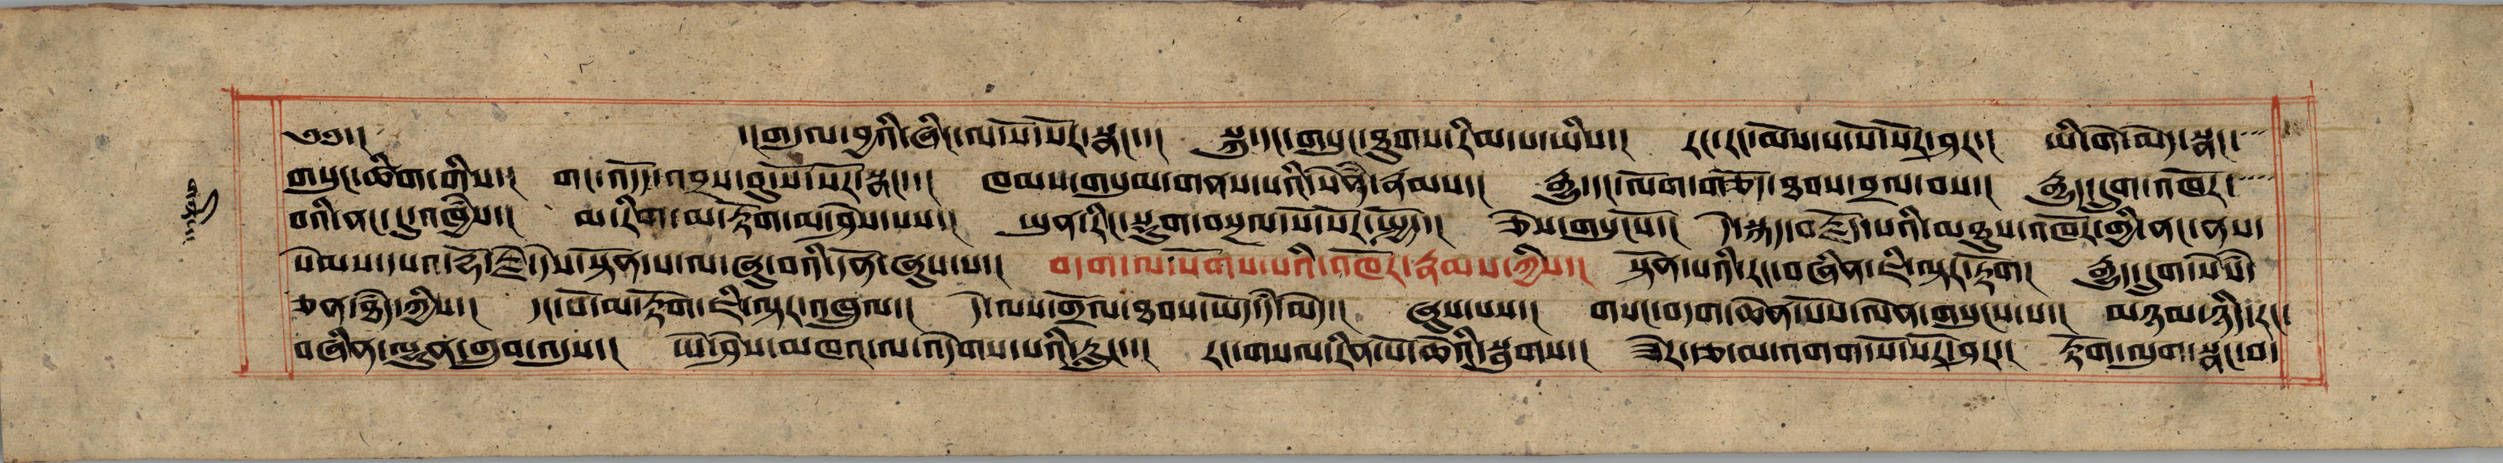༄༅་། ་།གདུལ་བྱའི་ཞིང་ལ་སོ་སོར་སྣང་་། སྐུ་དང་གསུང་ཐུགས་རིམ་པ་ཡིས་། རང་རང་མོས་པ་སོ་སོར་ཤར་། ཡི་གེ་མེད་སྣང་
གསུང་ཚིག་གིས་། གང་འདོད་འབྲས་བུ་སོ་སོར་སྣང་་། ཁམས་གསུམ་གནས་པའི་སེཾན་རྣམས་། རྒྱུ་དང་ལོག་གཅོད་ཐབས་བྲལ་བས་། རྒྱུད་དྲུག་འཁོར་
བའི་ནང་དུ་འཁྱཾས་། མ་རིག་མ་རྟོག་མ་ཤེས་པས་། ཡུན་རིང་སྡུག་བསྔལ་སོ་སོར་སྤྱོད་། ཅེས་གསུངསོ་། དེ་སྐད་བརྗོད་པའི་མཐུས་འཁོར་གྱི་ནང་ནས་
སེམས་དཔའ་རྡོ་རྗེ་དེས་སྟོན་པ་ལ་ཞུ་བའི་དོན་ཞུས་པ་། བདག་ལ་སོགས་པའི་འཁོར་རྣམས་ཀྱིས་། སྟོན་པའི་རང་བཞིན་ཇི་ལྟར་རྟོག། རྒྱུད་དྲུག་སེཾས་
ཅན་ཐཾད་ཀྱིས་། དང་བོ་མ་རྟོག་ཇི་ལྟར་འཁྲུལ་། དེ་ལས་གྲོལ་ཐབས་ཡོད་དཾ་མེད་། ཞུས་པས་། གསང་བདག་ཆེན་པོས་ལེན་གསུངས་པ་། མཉམ་ཉིད་རང་
བཞིན་ལྷུན་གྲུབ་འདུས་། ཡེ་ཤེས་མཁའ་ལ་འདེགས་པའི་རླུང་་། རང་གསལ་རིན་པོ་ཆེའི་སྦུགས་། ཟེར་རྩ་མ་འགག་སོ་སོར་ཤར་། རྟོག་ལུག་སྣང་བ་